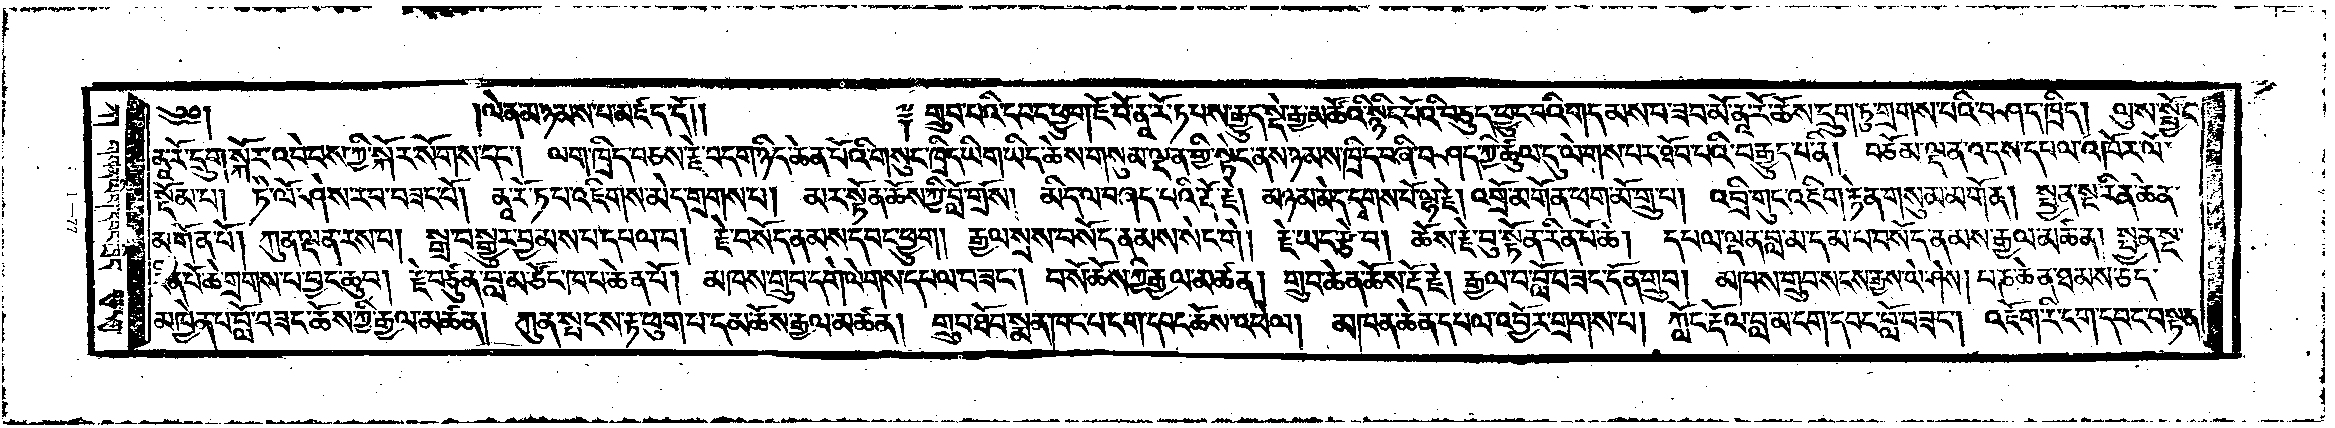༄༅། །ལེན་མཉམས་པ་མཛད་དོ།། འ་གྲུབ་པའི་དབང་ཕྱུག་ཇོ་བོ་ནཱ་རོ་ཏ་པས་རྒྱུད་སྡེ་རྒྱ་མཚོའི་སྙིང་པོའི་བཅུད་ཕྱུང་བའི་གདམས་པ་ཟབ་མོ་ནཱ་རོ་ཆོས་དྲུག་ཏུ་གྲགས་པའི་བཤད་ཁྲིད། ལུས་སྦྱོང་
ནཱ་རོ་དྲུག་སྐོར་འབེབས་ཀྱི་སྐོར་སོགས་དང་། ལག་ཁྲིད་བཅས་རྗེ་བདག་ཉིད་ཆེན་པོའི་གསུང་ཁྲིད་ཡིག་ཡིད་ཆེས་གསུམ་ལྡན་གྱི་སྟེང་ནས་ཉམས་ཁྲིད་བཞི་བཤད་ཀྱི་ཚུལ་དུ་ལེགས་པར་ཐོབ་པའི་བརྒྱུད་པ་ནི། བཅོམ་ལྡན་འདས་དཔལ་འཁོར་ལོ་
སྡོམ་པ། ཏཻ་ལོ་ཤེས་རབ་བཟང་པོ། ནཱ་རོ་ཏ་པ་འཇིགས་མེད་གྲགས་པ། མར་སྟོན་ཆོས་ཀྱི་བློ་གྲོས། མིད་ལ་བཞད་པའི་རྡོ་རྗེ། མཉམ་མེད་དྭགས་པོ་ལྷ་རྗེ། འགྲོ་མགོན་ཕག་མོ་གྲུབ། འབྲི་གུང་འཇིག་རྟེན་གསུམ་མགོན། སྤྱན་སྔ་རིན་ཆེན་
མགོན་པོ། ཀུན་ལྡན་རས་པ། སྒྲ་བསྒྱུར་བྱམས་པ་དཔལ་བ། རྗེ་བསོད་ནམས་དབང་ཕྱུག། རྒྱལ་སྲས་བསོད་ནམས་སེང་གེ། རྗེ་ཡང་རྩེ་བ། ཆོས་རྗེ་བུ་སྟོན་རིན་པོ་ཆེ། དཔལ་ལྡན་བླ་མ་དམ་པ་བསོད་ནམས་རྒྱལ་མཚན། སྤྱན་སྔ་
རིན་པོ་ཆེ་གྲགས་པ་བྱང་ཆུབ། རྗེ་བཙུན་བླ་མ་ཙོང་ཁ་པ་ཆེན་པོ། མཁས་གྲུབ་དགེ་ལེགས་དཔལ་བཟང་། བ་སོ་ཆོས་ཀྱི་རྒྱལ་མཚན། གྲུབ་ཆེན་ཆོས་རྡོ་རྗེ། རྒྱལ་བ་བློ་བཟང་དོན་གྲུབ། མཁས་གྲུབ་སངས་རྒ་ཡེ་ཤེས། པཎ་ཆེན་ཐམས་ཅད་
མཁྱེན་པ་བློ་བཟང་ཆོས་ཀྱི་རྒྱལ་མཚན། ཀུན་སྤངས་རྟ་ཕུག་པ་དམ་ཆོས་རྒྱལ་མཚན། གྲུབ་ཐོབ་སྨན་ཁང་པ་ངག་དབང་ཆོས་འཕེལ། མཁན་ཆེན་དཔལ་འབྱོར་གྲགས་པ། ཀློང་རྡོལ་བླ་མ་ངག་དབང་བློ་བཟང་། འཇོག་རི་ངག་དབང་བསྟན་